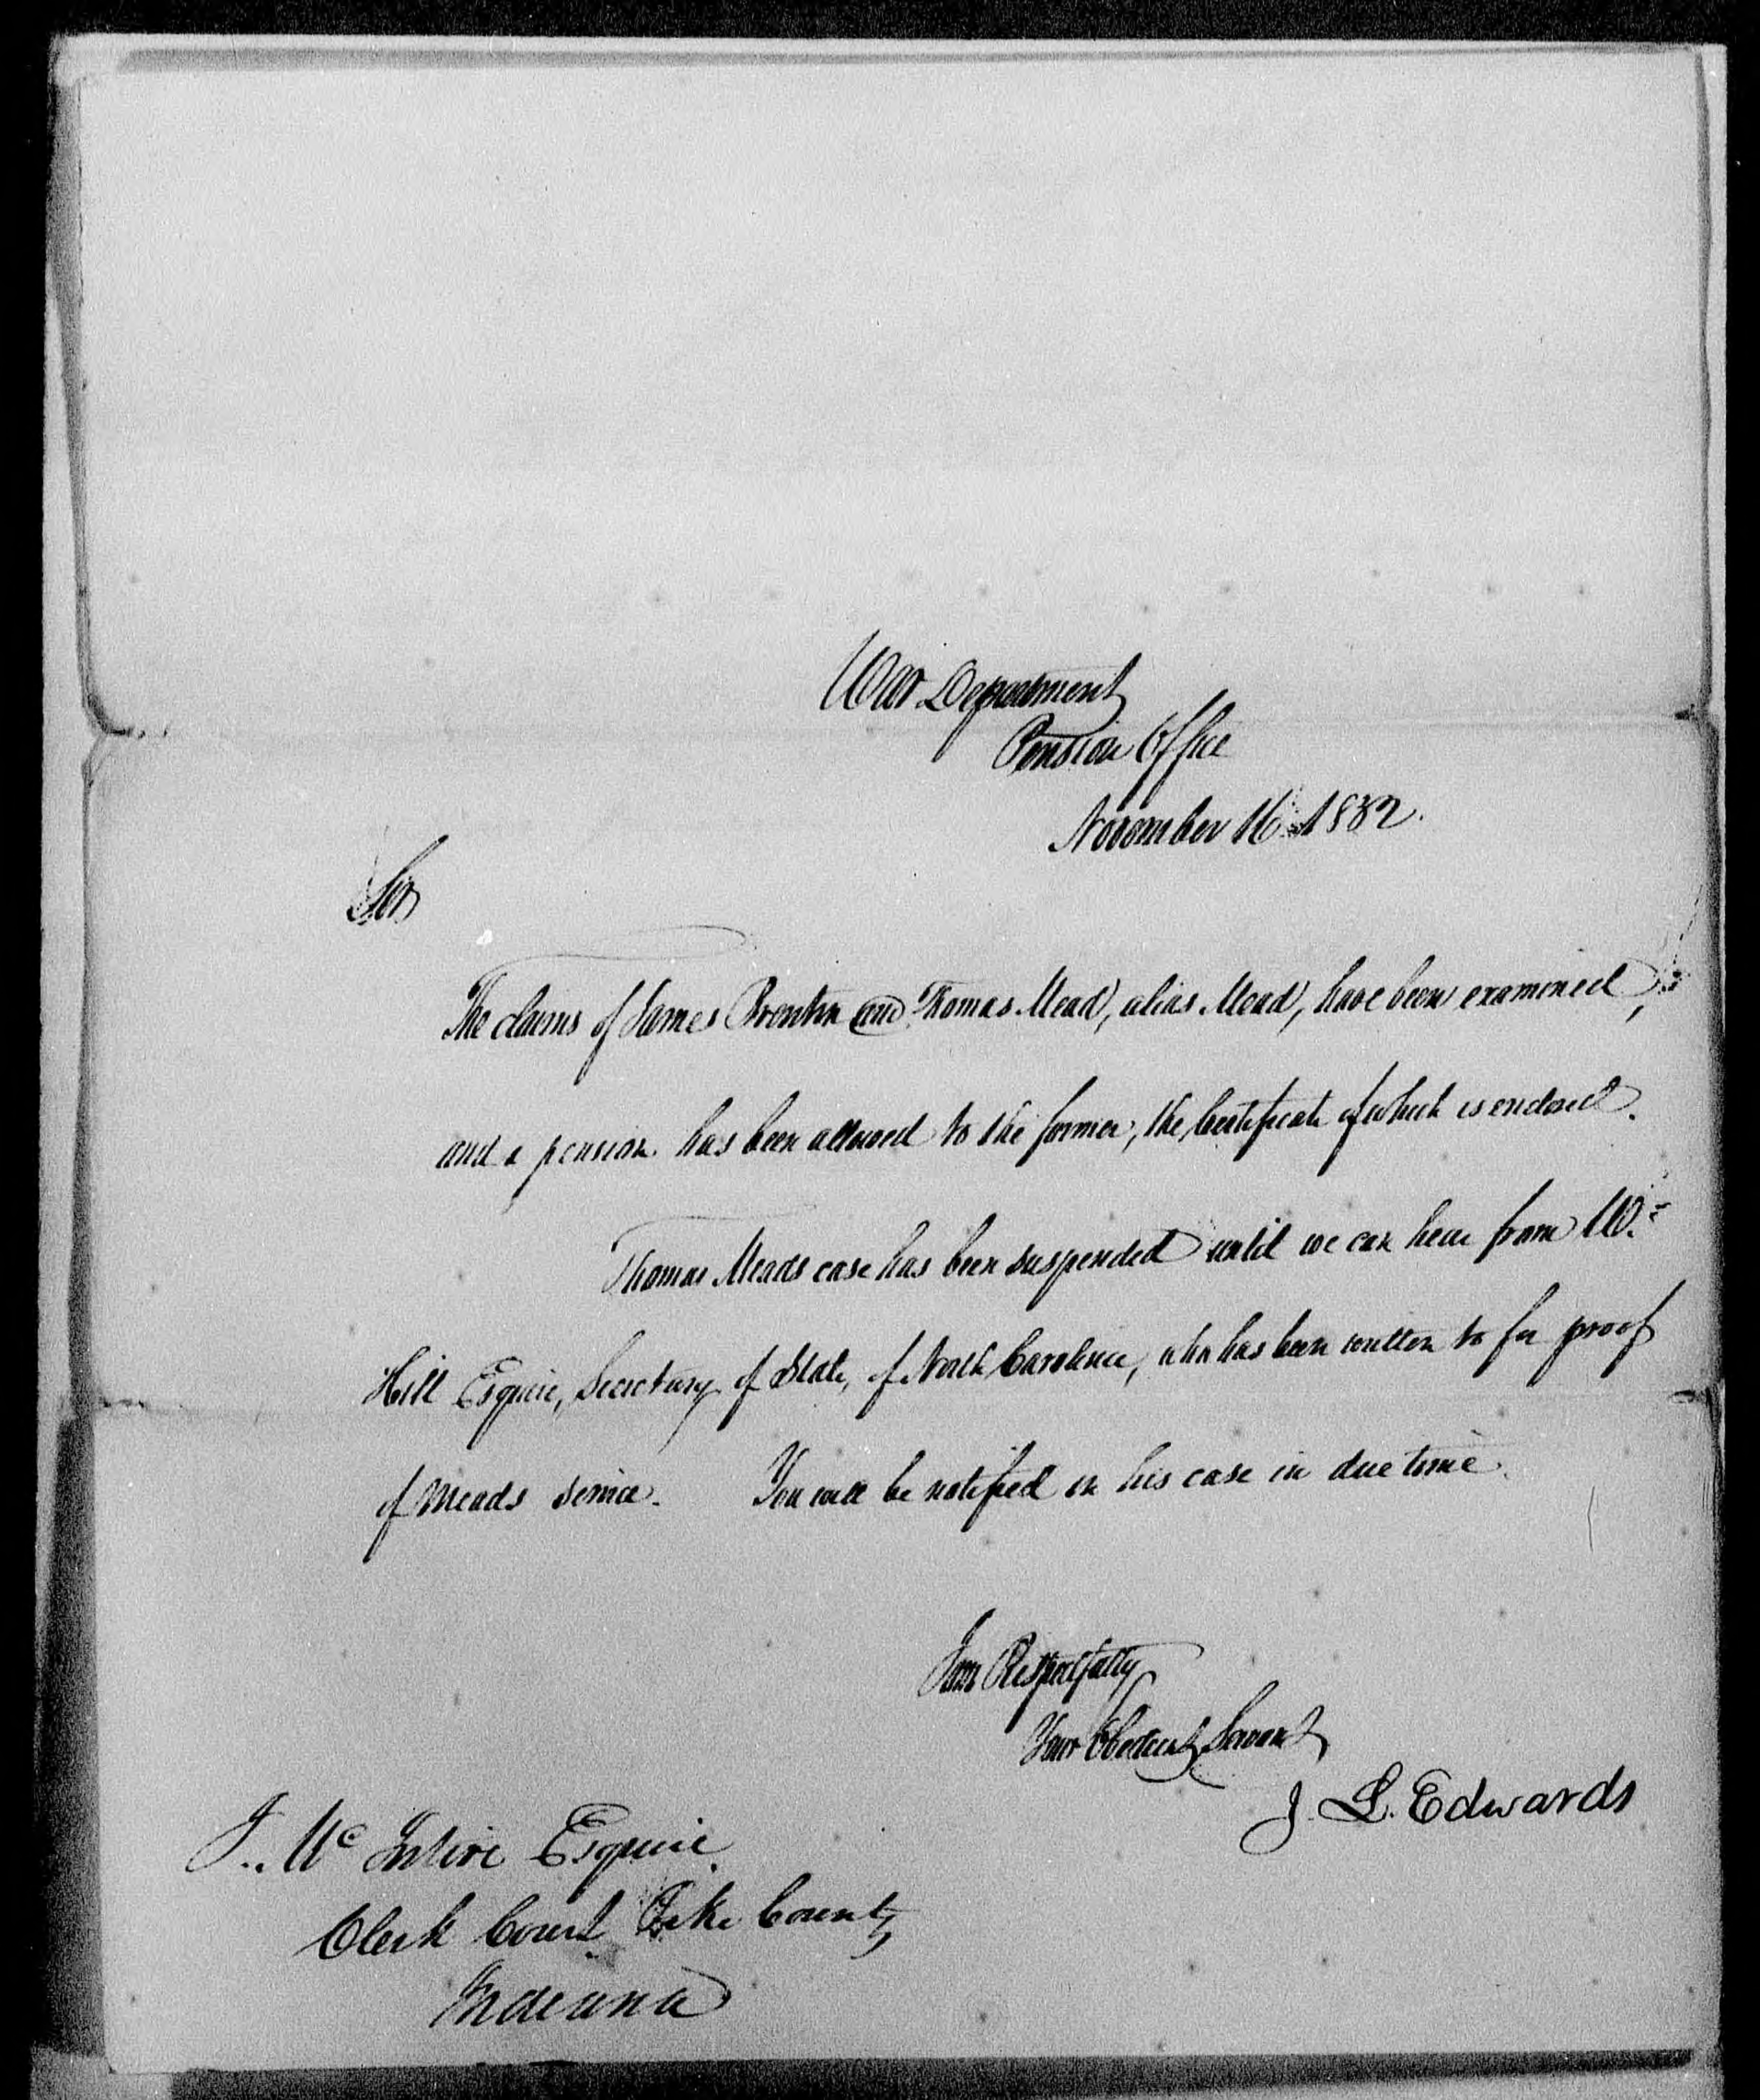War Department
Pension Office
November 16 1832
Sir
The claims of James Brenton and Thomas Mead, alias, Meed, have been examined and a pension has been allowed to the former, the certificate of which is enclosed.
Thomas Meads case has been suspended until we can hear from M Hill Esquire, Secretary of State, f. Mark Carabuce, who has been written for proof of Meads service. You will be notified on his case in due time.
Most Respectfully,
Your Obedient Servant
J L Edwards

J. McIntire Esquire
Clerk Court Pike County
Indiana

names: J L Edwards, James Brenton, Thomas Mead, J Mc Intire, Thomas Mead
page: 30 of 49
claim: widow's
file: W. 2518, James Brenton, Va.